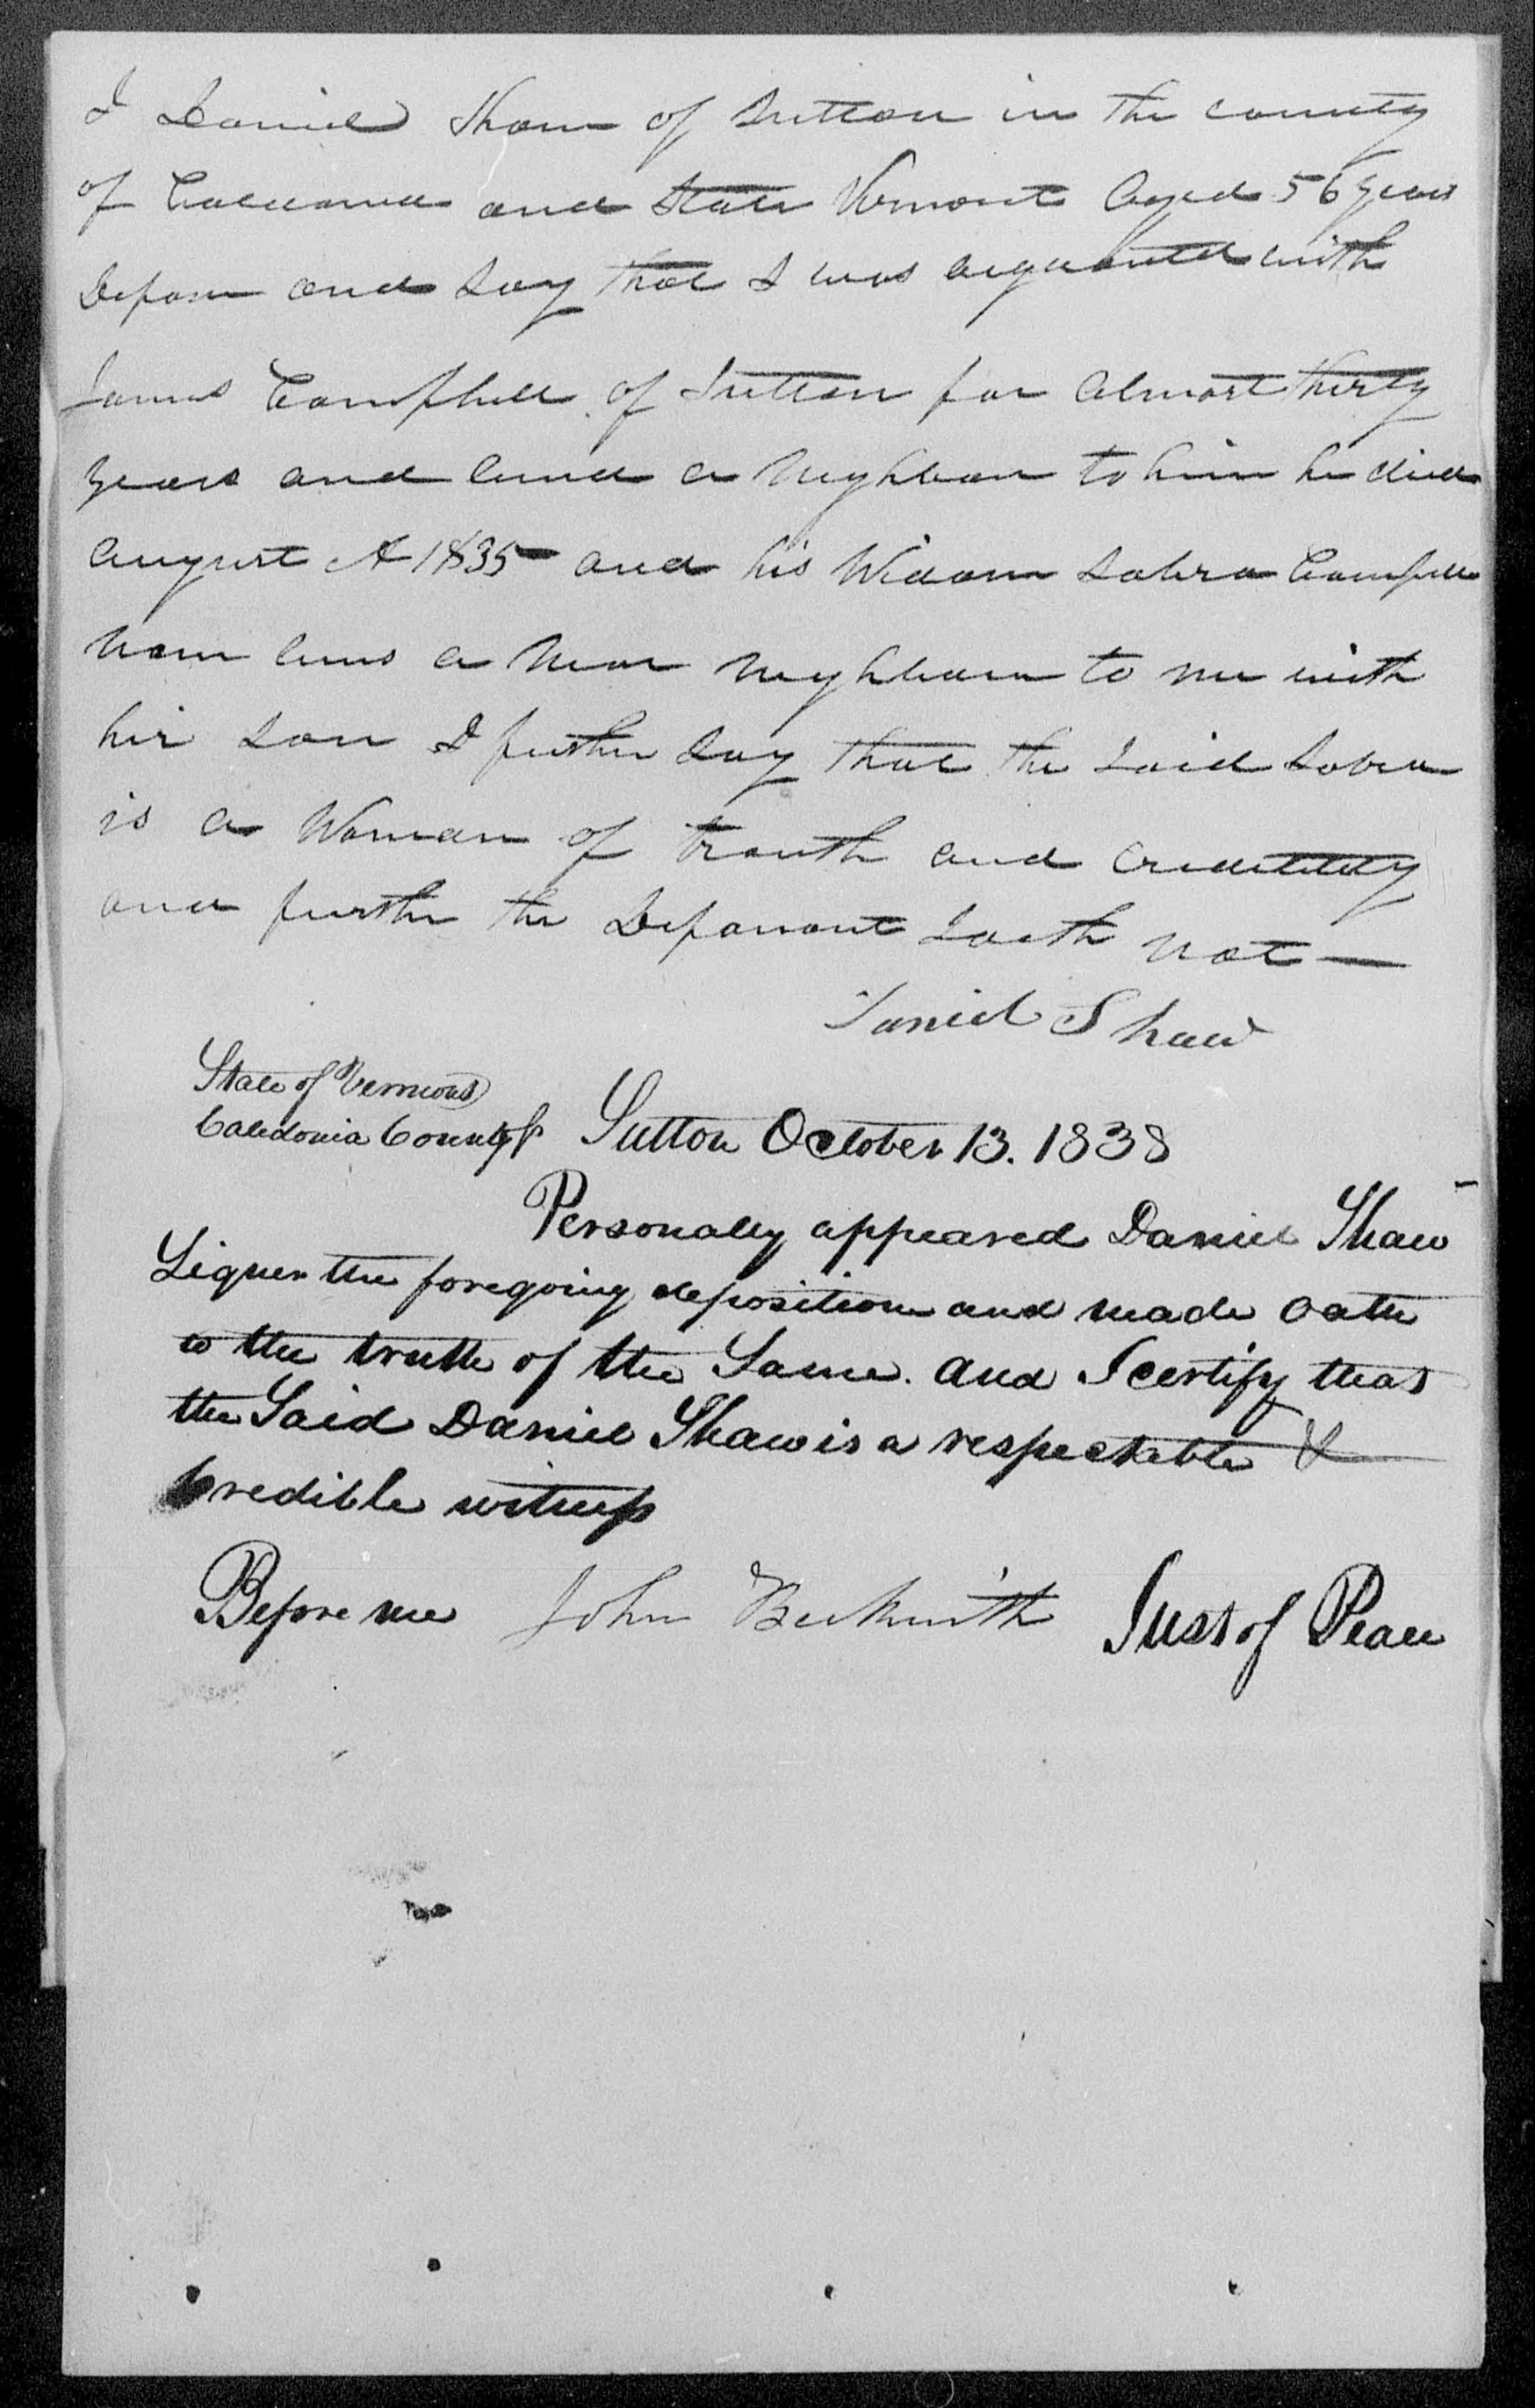I Daniel Shaw of Sutton in the county of Caledonia and State Vermont aged 56 years
depose and say that I was acquainted with James
Campbell of Sutton for almost thirty years and lived as neighbor to him he died August AD 1835 and his Widow Sabra Campbell has lived a near neighbor to me with her son I further say that the said Sabra is a Woman of truth and credibility and further the Deponent saith not -
Daniel Shaw


State of Vermont
Caledonia County ss Sutton October 13. 1838

Personally appeared Daniel Shaw Signer the foregoing deposition and made Oath to the truth of the Same. And I certify that the
Said Daniel Shaw is a respectable & credible witness
Before me John Beckwith Just of Peace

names: Sabra Campbell, John Beckwith, Daniel Shaw, James Campbell, Sabra, Daniel Shaw, Daniel Shaw, Daniel Shaw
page: 30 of 67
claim: widow's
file: W. 23772, James Campbell, Continental Mass.